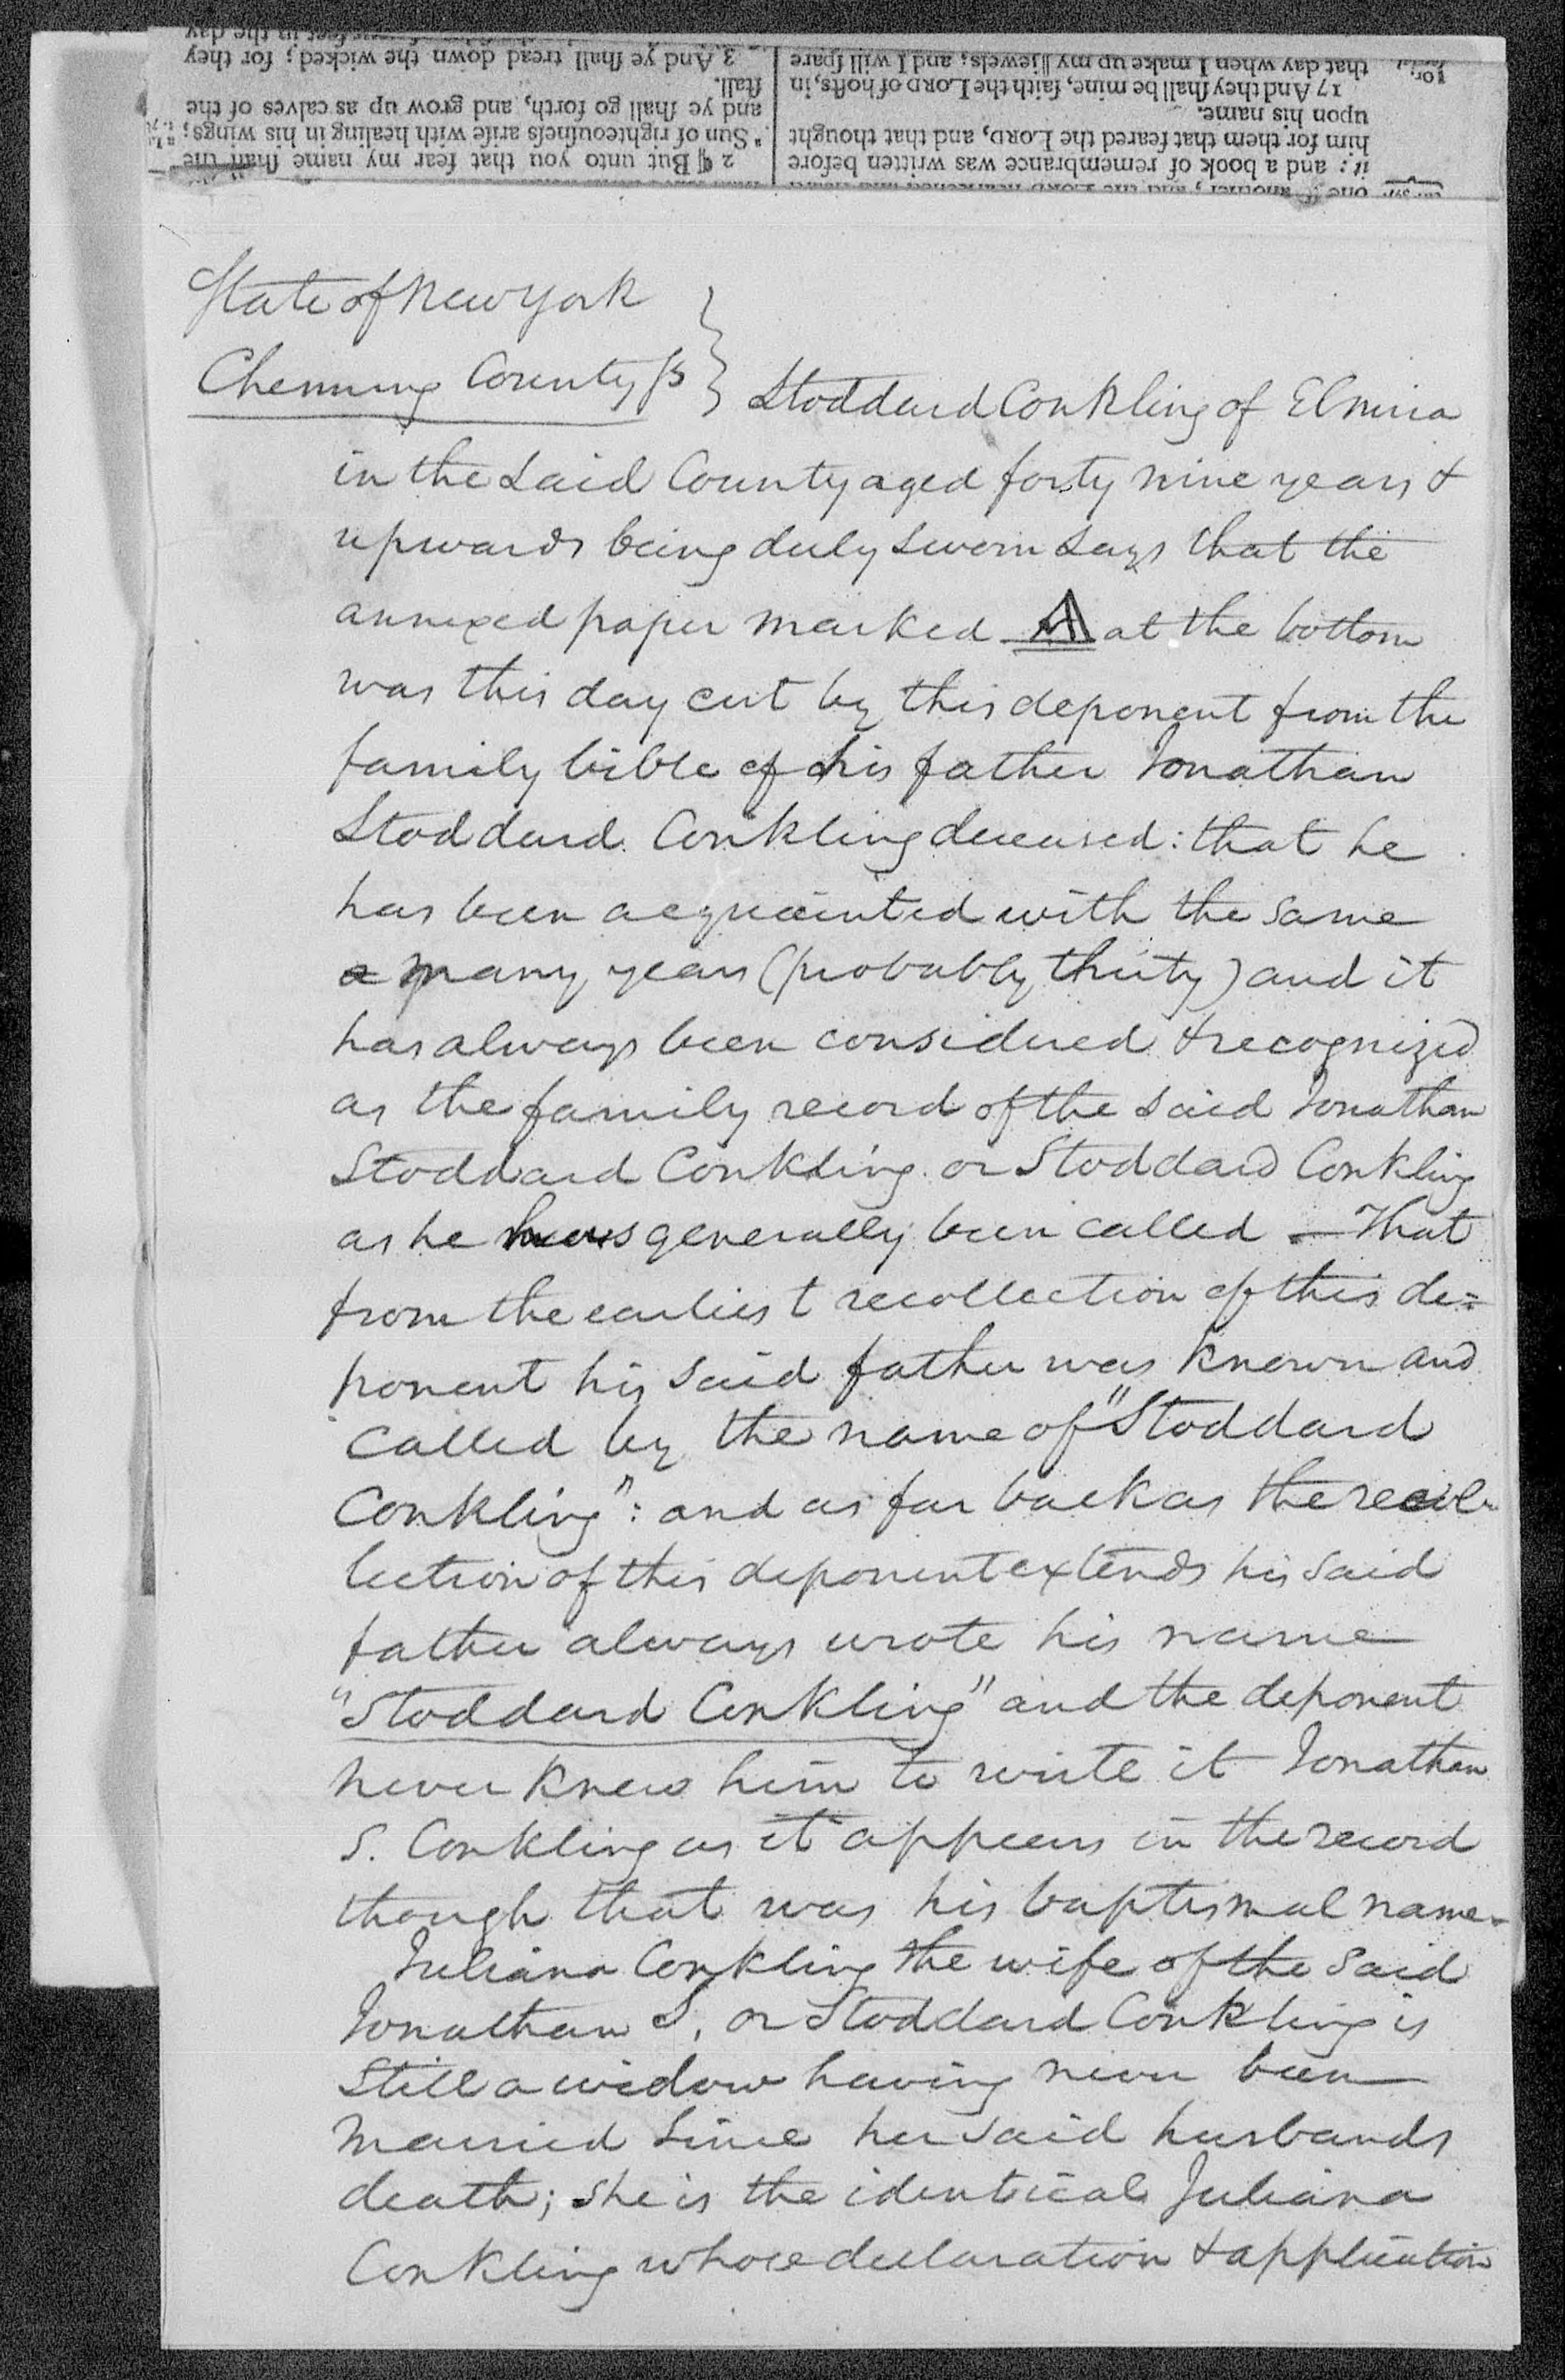State of New York Chemung County ss} Stoddard Conkling of Elmira in the said County aged forty nine years + upwards being duly sworn says that the annexed paper marked ( drawing of pyramid)  at the bottom was this day cut by this deponent from the family bible of his father Jonathan Stoddard Conkling deceased: that he has been acquainted with the same many years ( probably thirty) and it has always been considered + recognized as the family record of the said Jonathan Stoddard Conkling or Stoddard Conkling as he has generally been called. That from the earliest recollection of this deponent his said father was known and called by the name of " Stoddard Conkling": and as far back as the recollection of this deponent extends his said father always wrote his name "Stoddard Conkling" and the deponent never knew him to write it Jonathan S. Conkling as it appears in the record though that was his baptismal name. Juliana Conkling the wife of the said Jonathan S. or Stoddard Conkling is still a widow having never been married since her said husbands death; she is the identical Juliana Conkling whose declaration + application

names: Stoddard Conkling, Jonathan Conkling, Stoddard Conkling, Jonathan Stoddard Conkling, Jonathan Stoddard Conkling, Stoddard Conkling, Stoddard Conkling, Juliana Conkling, Juliana Conkling, Stoddard Conkling, Jonathan S Conkling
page: 15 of 18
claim: widow's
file: W. 18,939, Jonathan S Conkling, New York